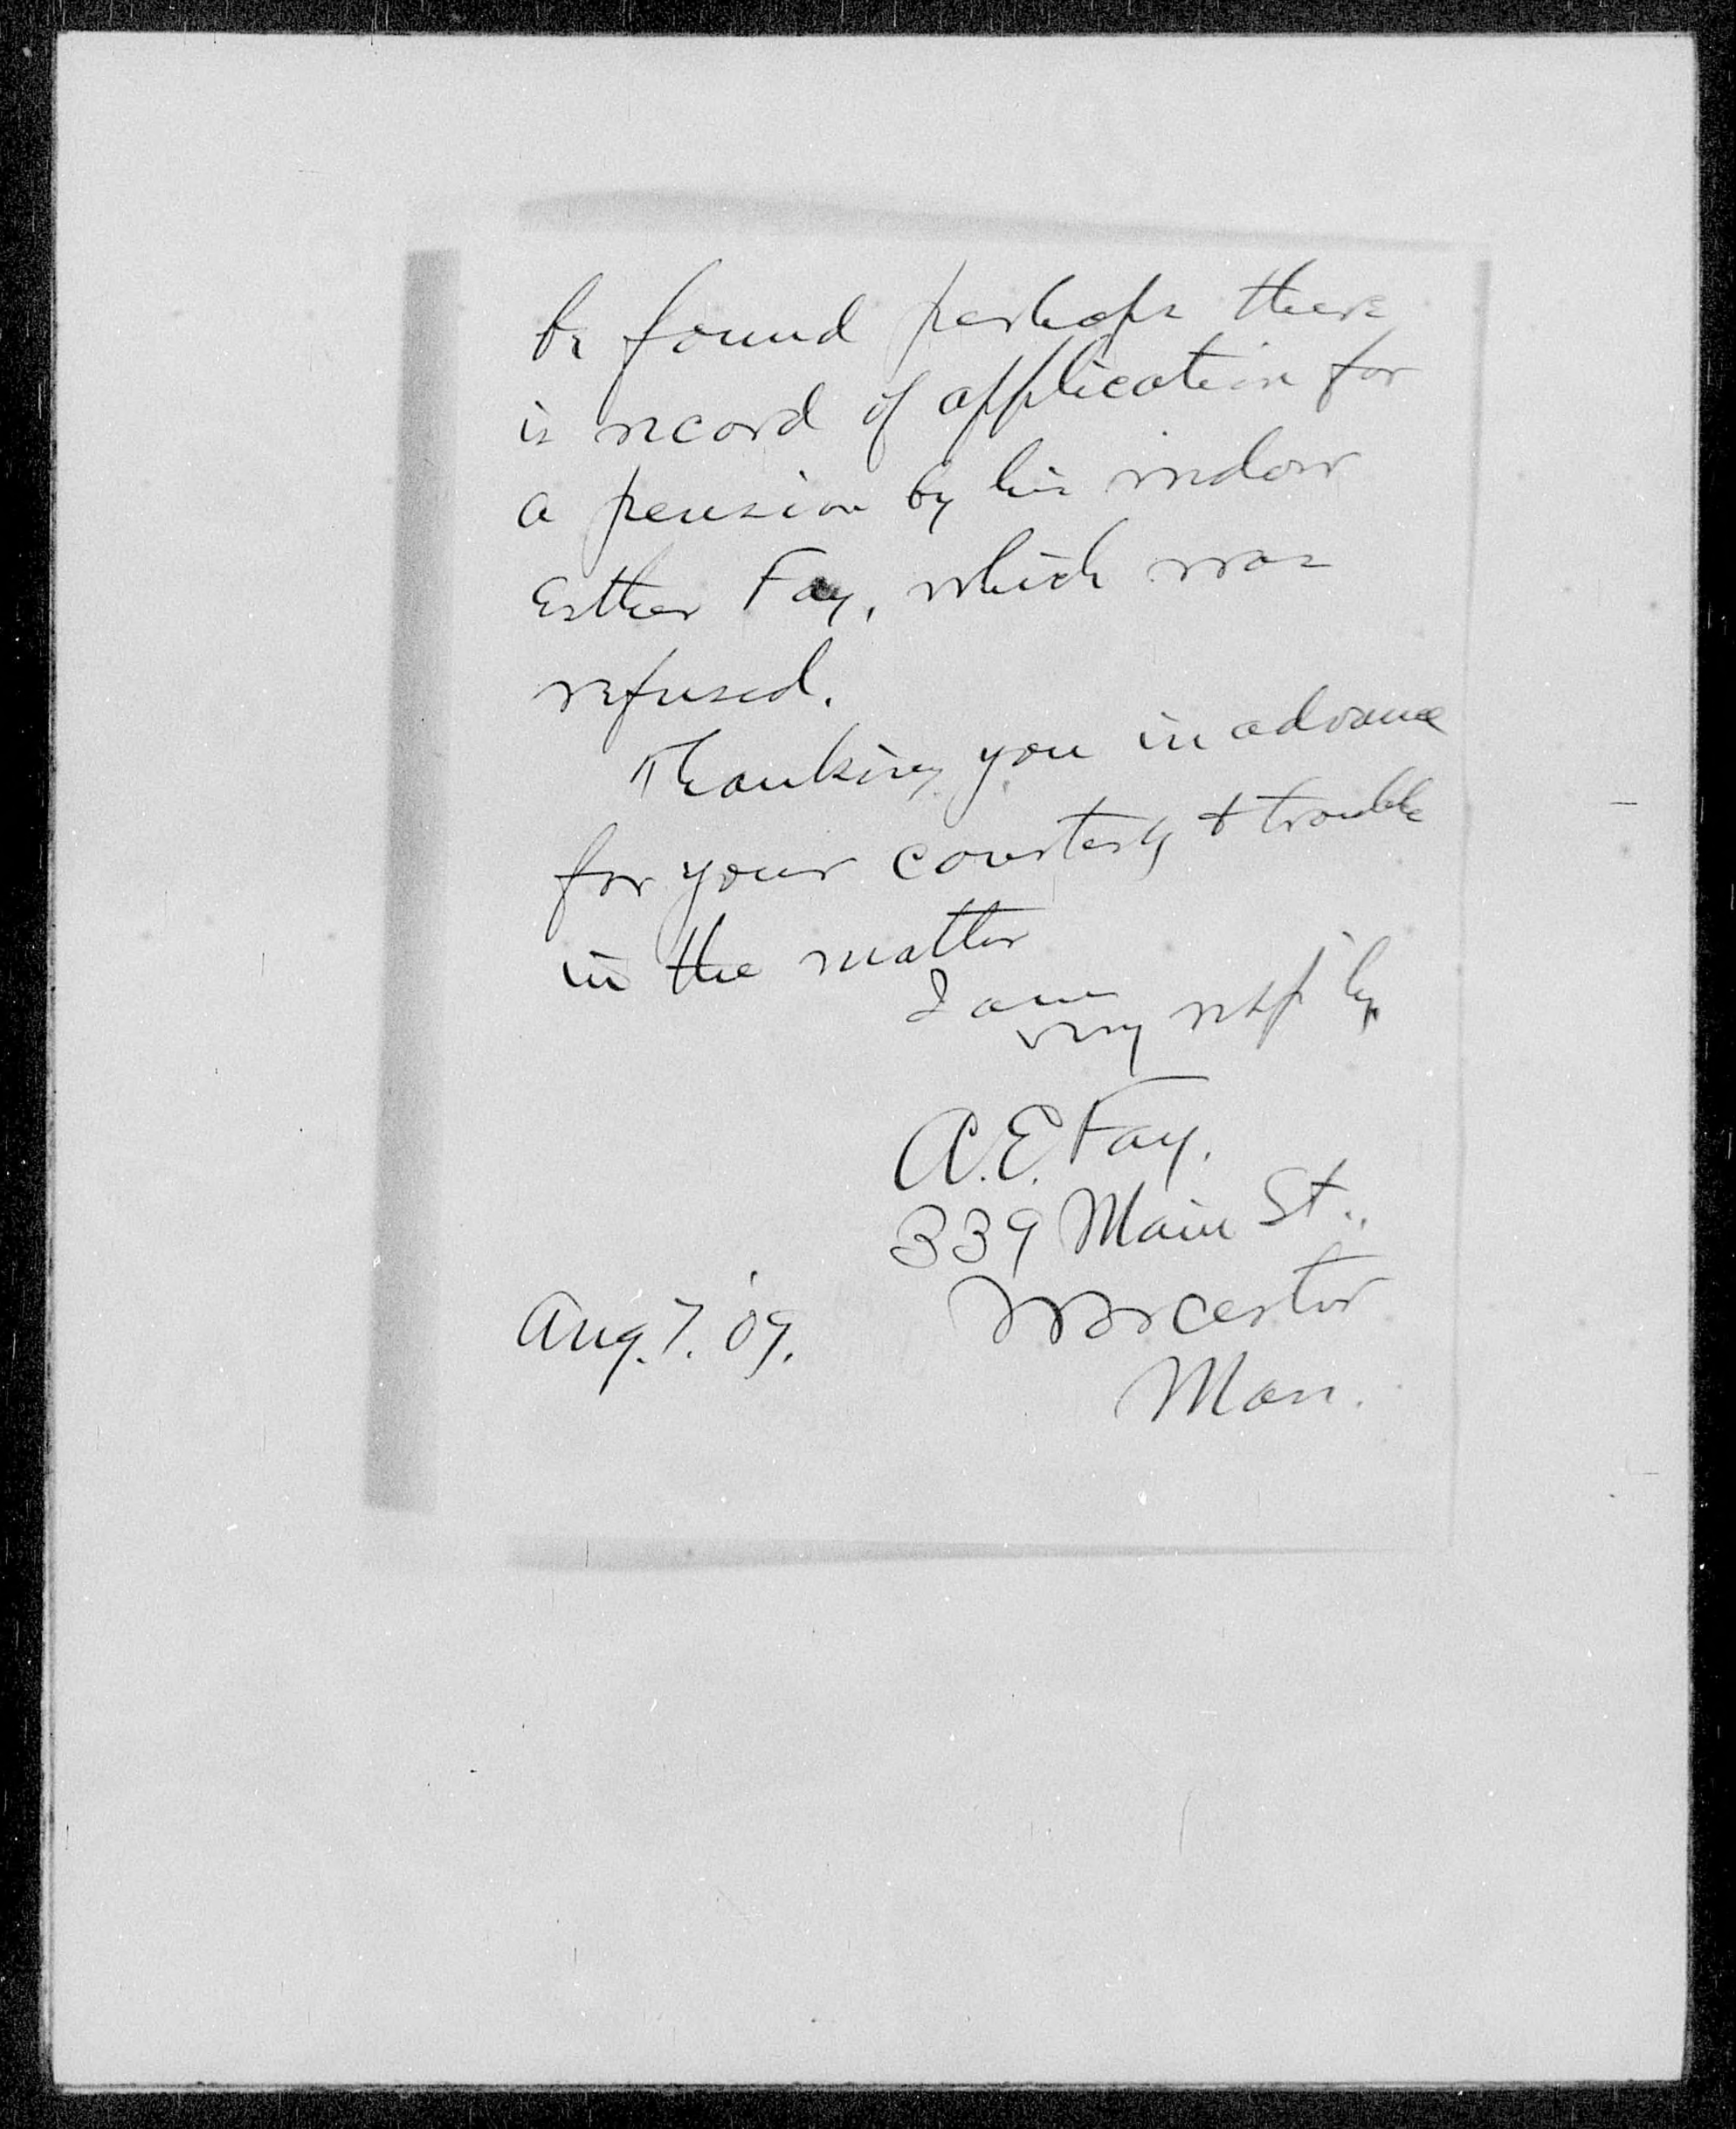be found perhaps there is record of application for a pension by his widow Esther Fay, which was refused.

Thanking you in advance for your courtesy & trouble in the matter.

I am very "      "

A. E. Fay
339 Main St.
Worcester, Mass

Aug 7. 09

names: A E Fay, Esther Fay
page: 31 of 31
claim: survivor's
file: S. 34,839, Thomas Fay, Mass.